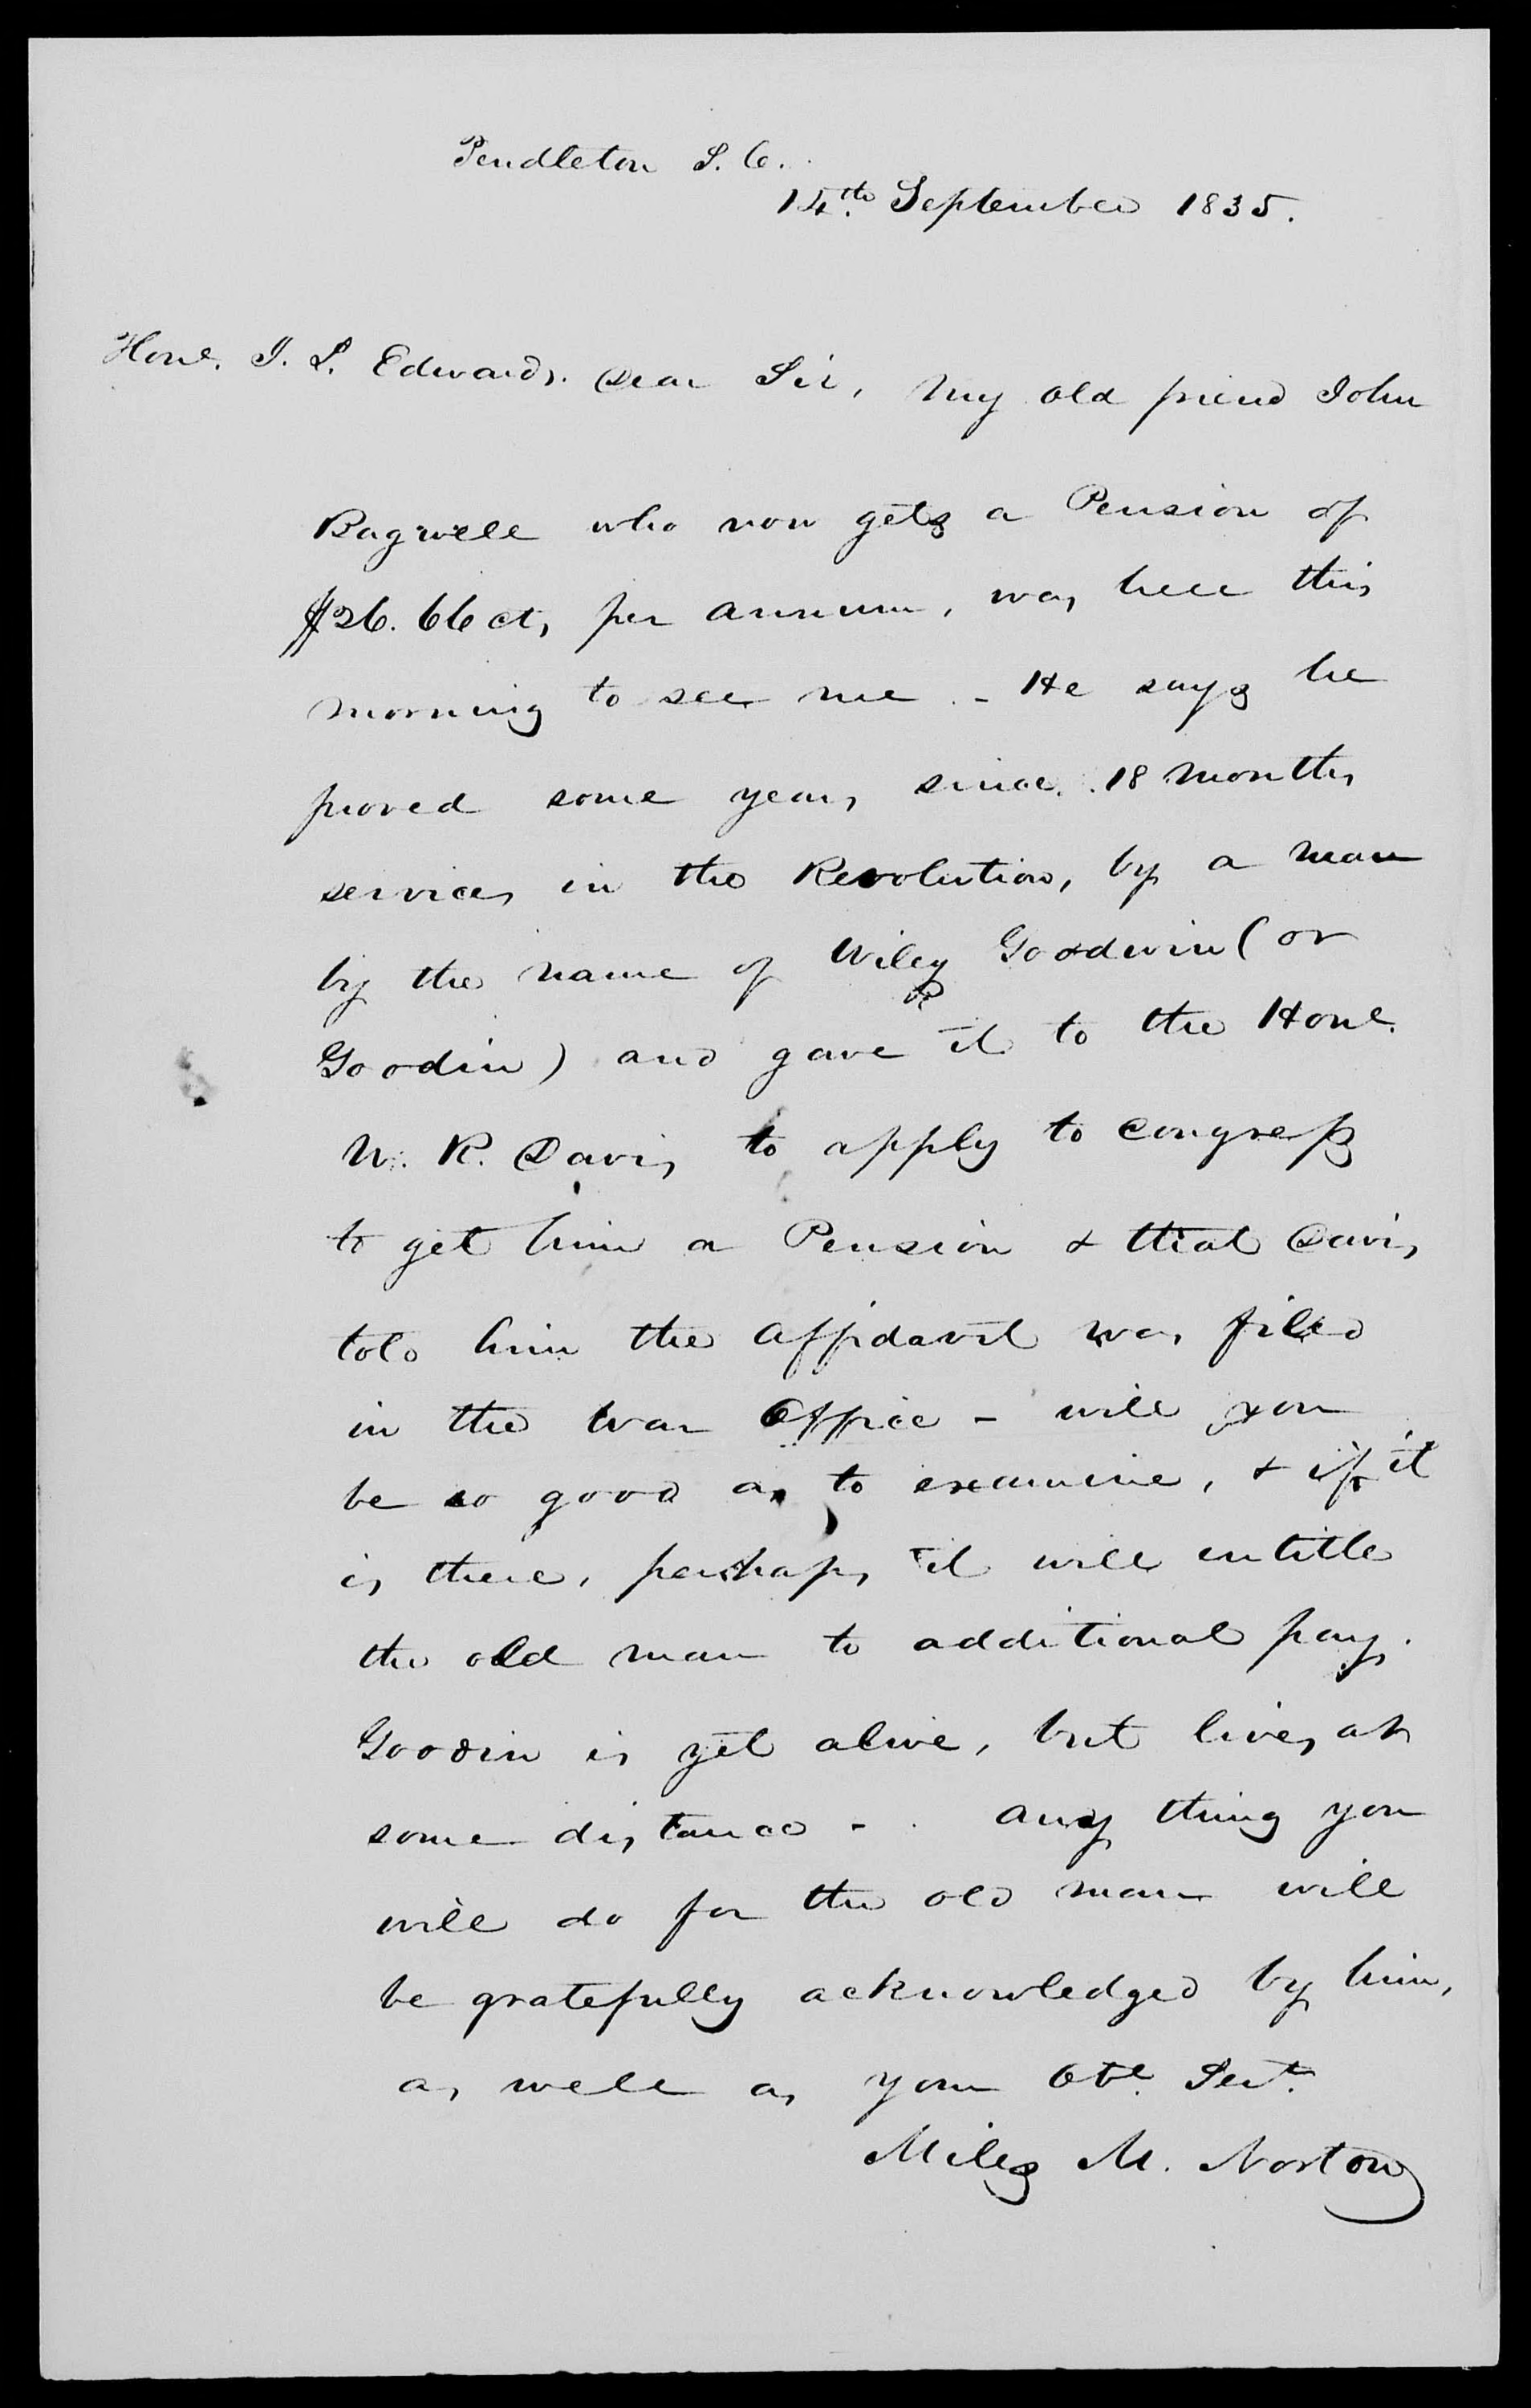Pendleton S. C.
14th September 1835
Hon. J. L. Edwards Dear Sir, my old friend John
Bagwell who now gets a Pension of
$26.66 ct, per annum
was
here this
Morning
to see me
He says
be
proved some years
since 18 months
services in the Revolution, by a man
by the name of Wiley Goodwin (or
Goodin) and gave it to the Hon
W. R. . Davis to apply to congress
to get him a pension & that Davis
told him the affidavit was filed
in the war office - will you
be so good as
to examine,
& if it is
there, perhaps it will entitle
the old man
to additional pay
Goodin is yet alive, but lives at
some distance
any thing you
will do for the old man
will be
gratefully acknowledged by him,
as well as your [  ] Sect
Miles M. Norton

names: Miles M Norton, Wiley Goodin, Wiley Goddwin, John Bagwell, Davis, Goodin, W R Davis, J L Edwards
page: 15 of 36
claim: survivor's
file: S 6571, John Bagwell, N.C.